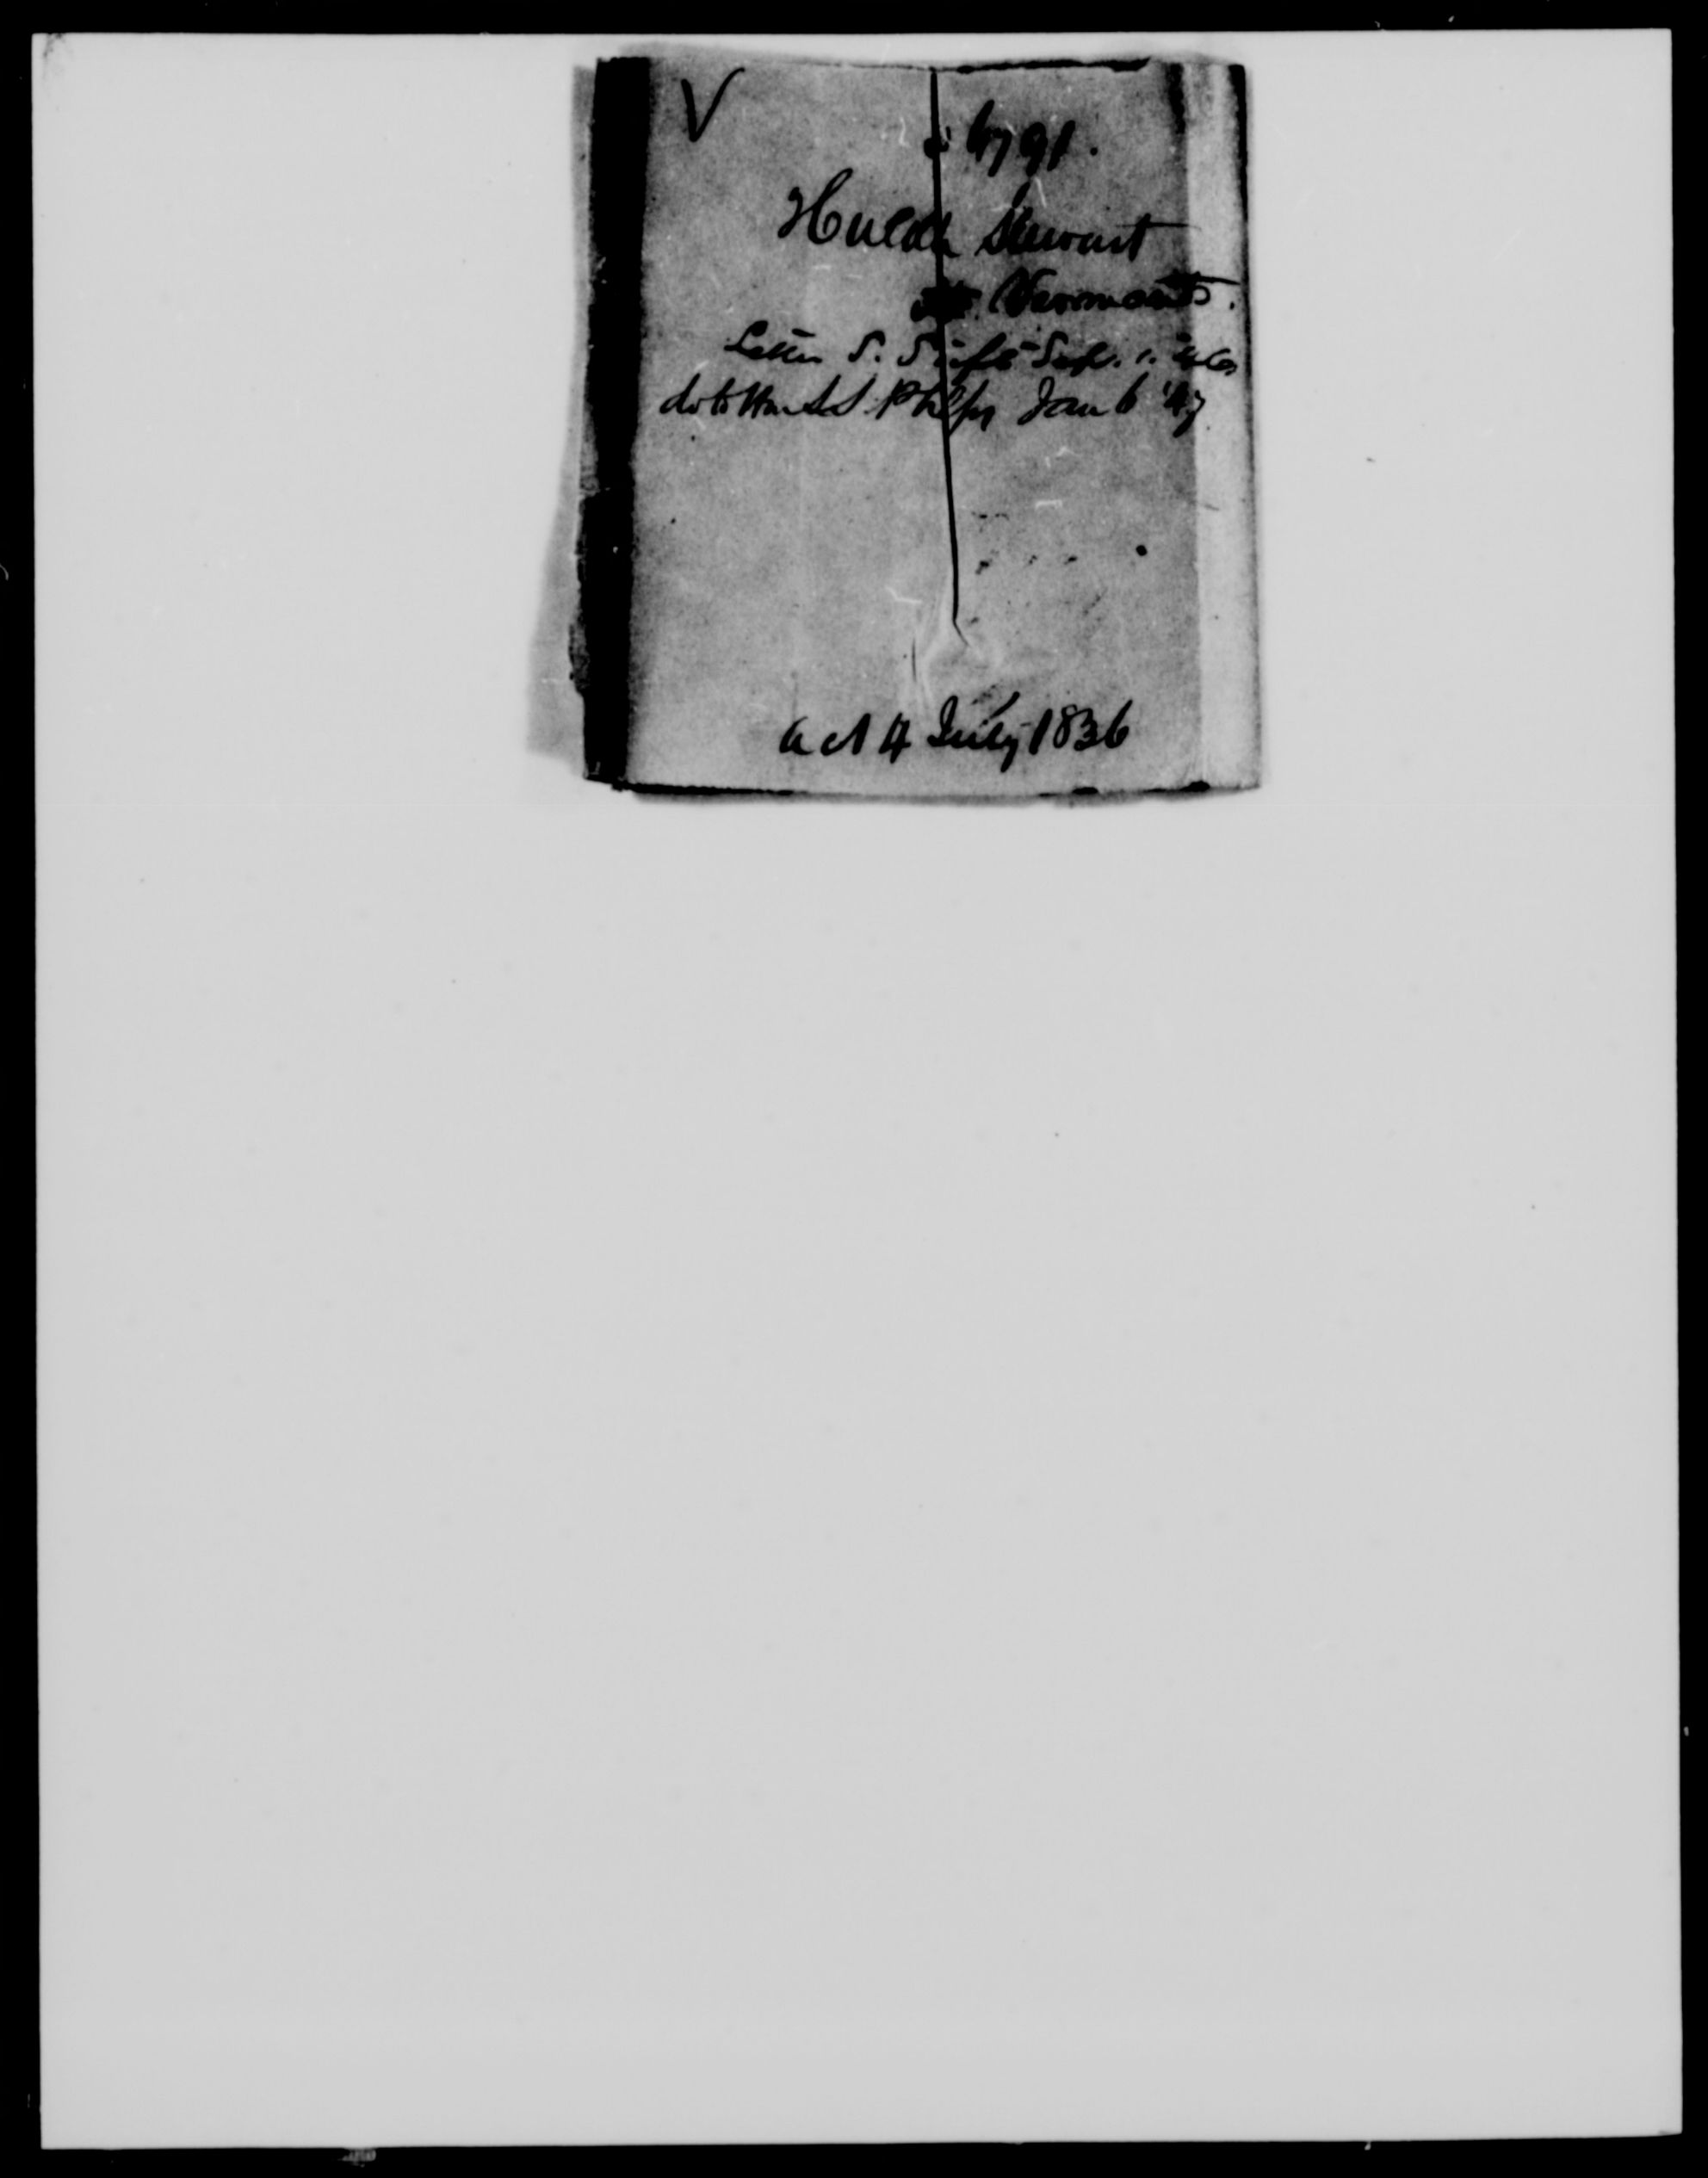1791
Huldah Stewart
Vermont
Letter S.Swift Sep 1 46
do to war S S Phelps Jan 6 '47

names: S Swift; S S Phelps; Hudh Stewart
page: 25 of 26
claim: rejected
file: R. 10,154, for John Stewart, New Hampshire